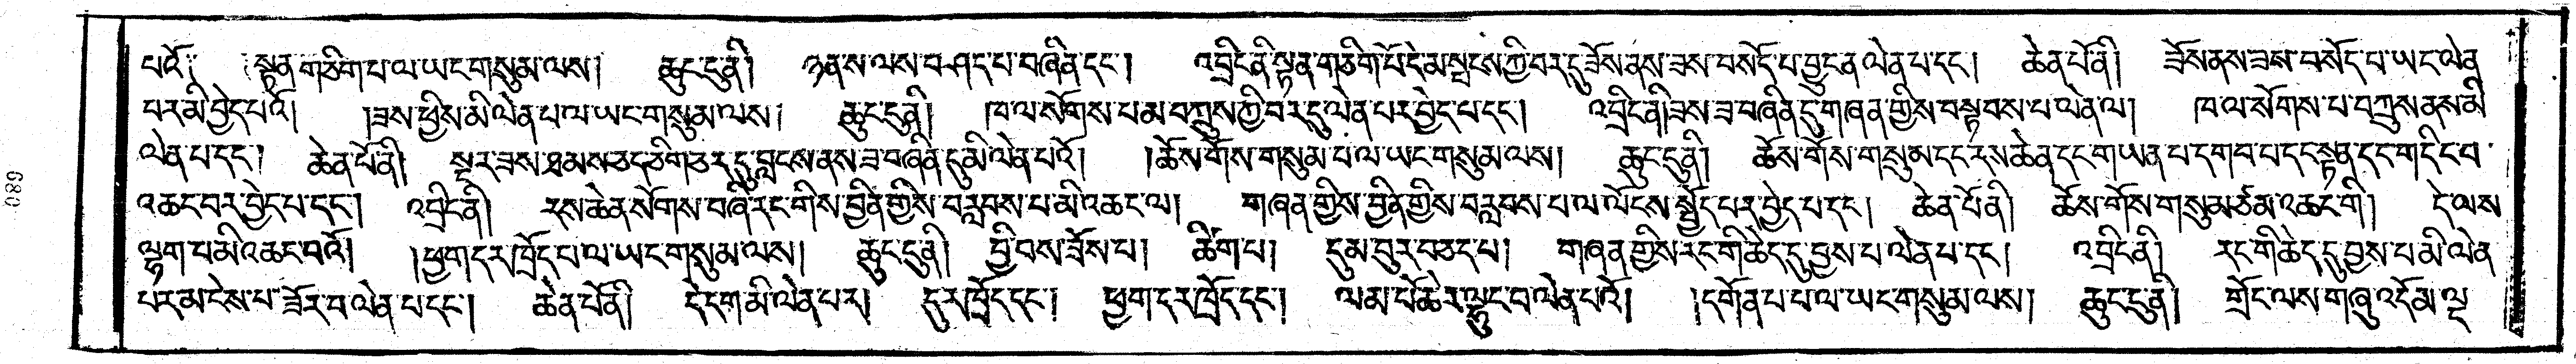པའོ༑ ༑སྟན་གཅིག་པ་ལ་ཡང་གསུམ་ལས། ཆུང་དུ་ནི། ཉན་ས་ལས་བཤད་པ་བཞིན་དང་། འབྲིང་ནི་སྟན་གཅིག་པོ་དེ་མ་སྤངས་ཀྱི་བར་དུ་ཟོས་ནས་ཟས་བསོད་པ་བྱུང་ན་ལེན་པ་དང་། ཆེན་པོ་ནི། ཟོས་ནས་ཟས་བསོད་པ་ཡང་ལེན་
པར་མི་བྱེད་པའོ། །ཟས་ཕྱིས་མི་ལེན་པ་ལ་ཡང་གསུམ་ལས། ཆུང་དུ་ནི། ཁ་ལ་སོགས་པ་མ་བཀྲུས་ཀྱི་བར་དུ་ལེན་པར་བྱེད་པ་དང་། འབྲིང་ནི། ཟས་ཟ་བཞིན་དུ་གཞན་གྱིས་བསྟབས་པ་ལེན་ལ། ཁ་ལ་སོགས་པ་བཀྲུས་ནས་མི་
ལེན་པ་དང་། ཆེན་པོ་ནི། སྔར་ཟས་ཐམས་ཅད་ཅིག་ཅར་དུ་བླངས་ནས་ཟ་བཞིན་དུ་མི་ལེན་པའོ། །ཆོས་གོས་གསུམ་པ་ལ་ཡང་གསུམ་ལས། ཆུང་དུ་ནི། ཆོས་གོས་གསུམ་དང་རས་ཆེན་དང་གཡན་པ་དགབ་པ་དང་སྟན་དང་གདིང་བ་
འཆང་བར་བྱེད་པ་དང་། འབྲིང་ནི། རས་ཆེན་སོགས་བཞི་རང་གིས་བྱིན་གྱིས་བརླབས་པ་མི་འཆང་ལ། གཞན་གྱིས་བྱིན་གྱིས་བརླབས་པ་ལ་ལོངས་སྤྱོད་པར་བྱེད་པ་དང་། ཆེན་པོ་ནི། ཆོས་གོས་གསུམ་ཙམ་འཆང་གི། དེ་ལས་
ལྷག་པ་མི་འཆང་བའོ། །ཕྱག་དར་ཁྲོད་པ་ལ་ཡང་གསུམ་ལས། ཆུང་དུ་ནི། བྱི་བས་ཟོས་པ། ཚིག་པ། དུམ་བུར་བཅད་པ། གཞན་གྱིས་རང་གི་ཆེད་དུ་བྱས་པ་ལེན་པ་དང་། འབྲིང་ནི། རང་གི་ཆེད་དུ་བྱས་པ་མི་ལེན་
པར་མ་ངེས་པ་ཟོར་བ་ལེན་པ་དང་། ཆེན་པོ་ནི། དེ་དག་མི་ལེན་པར། དུར་ཁྲོད་དང་། ཕྱག་དར་ཁྲོད་དང་། ལམ་པོ་ཆེར་ལྷུང་བ་ལེན་པའོ། །དགོན་པ་པ་ལ་ཡང་གསུམ་ལས། ཆུང་དུ་ནི། གྲོང་ལས་གཞུ་འདོམ་ལྔ་